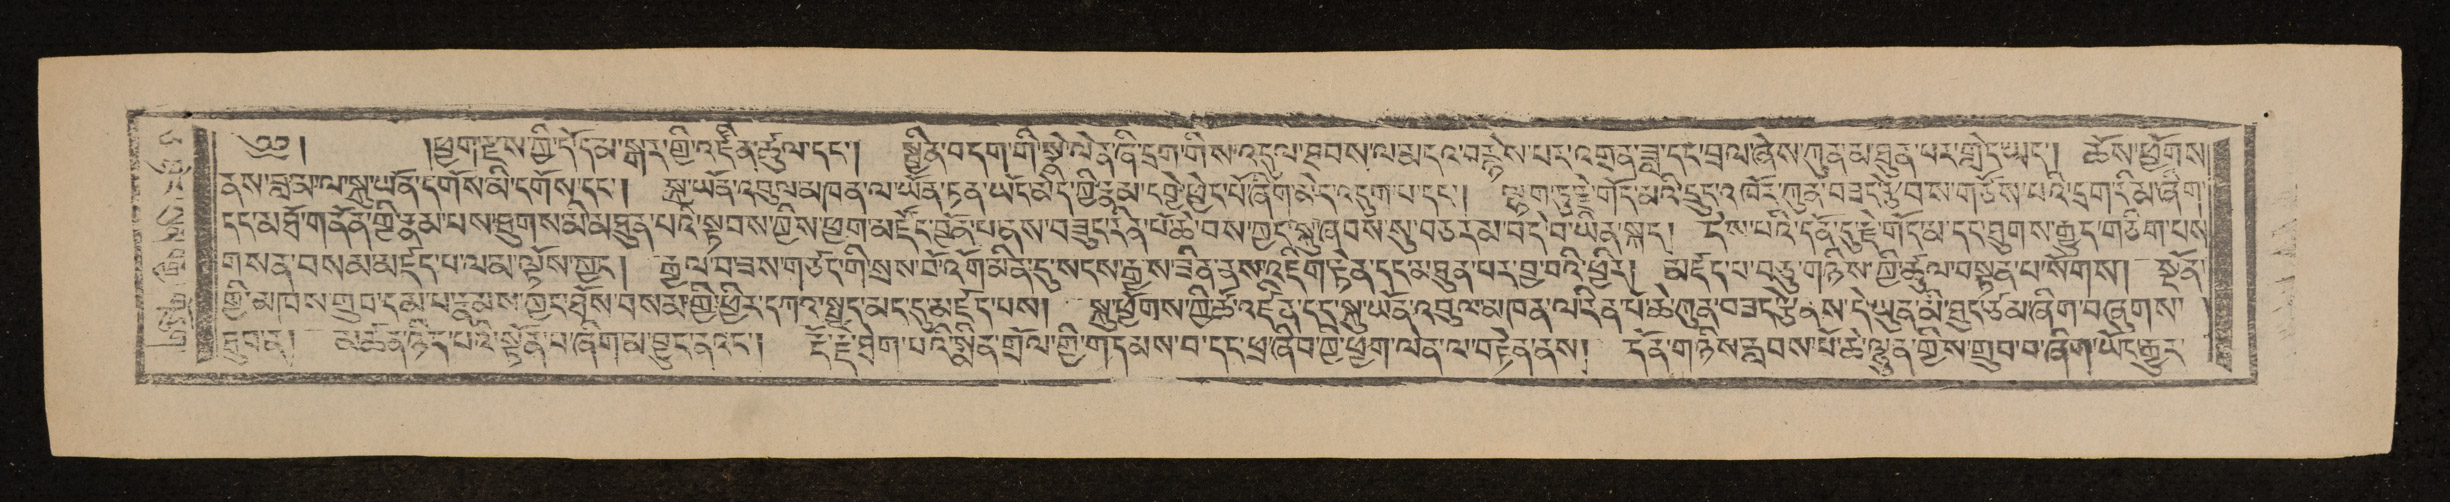༄༅། །ཕྱག་རྫས་ཀྱི་དོ་དམ་སྒར་གྱི་འཛིན་ཚུལ་དང་། སྦྱིན་བདག་གི་སྣེ་ལེན་ཞི་དྲག་གིས་འདུལ་ཐབས་ལ་མངའ་བརྙེས་པར་འགྲན་ཟླ་དང་བྲལ་ཞེས་ཀུན་མཐུན་པར་གླེང་ཡང་། ཆོས་ཕྱོགས་
ནས་བླ་མ་ལ་སྐུ་ཡོན་དགོས་མི་དགོས་དང་། སྐུ་ཡོན་འབུལ་མཁན་ལ་ཡོན་ཏན་ཡོད་མེད་ཀྱི་རྣམ་དབྱེ་ཕྱེད་པོ་ཞིག་མེད་འདུག་པ་དང་། ལྷག་ཏུ་རྗེ་གོང་མའི་དྲུང་འཁོར་ཀུན་བཟང་རྩེ་བས་གཙོས་པའི་དྲག་རིམ་ཞིག་
དང་མཐོ་གནོན་གྱི་རྣམ་པས་ཐུགས་མི་མཐུན་པའི་སྟབས་ཀྱིས་ཕྱག་མཛོད་བྱོན་པ་ནས་བཟུང་རིན་པོ་ཆེ་བས་ཀྱང་སྐུ་ཞབས་སུ་བཅར་མ་བདེ་བ་ཡིན་སྐད། ངེས་པའི་དོན་དུ་རྗེ་གོང་མ་དང་ཐུགས་རྒྱུད་གཅིག་པས་
གསན་བསམ་མཛད་པ་ལམ་ལྟོས་ཀྱང་། རྒྱལ་བ་ཟས་གཙང་གི་སྲས་བོ་འོག་མིན་དུ་སངས་རྒྱས་ཟིན་ནས་འཇིག་རྟེན་དང་མཐུན་པར་བྱ་བའི་ཕྱིར། མཛད་པ་བཅུ་གཉིས་ཀྱི་ཚུལ་བསྟན་པ་སོགས། སྔོན་
གྱི་མཁས་གྲུབ་དམ་པ་རྣམས་ཀྱང་ཐོས་བསམ་གྱི་ཕྱིར་དཀའ་སྤྱད་མང་དུ་མཛད་པས། སྐུ་ཕྱོགས་ཀྱི་ཚོ་འཛིན་དང་སྐུ་ཡོན་འབུལ་མཁན་ལ་རིན་པོ་ཆེ་ཀུན་བཟང་རྩེ་ནས་དེ་ཡུན་མི་ཐུང་ཙམ་ཞིག་བཞུགས་
ཐུབ་ན། མཚན་ཉིད་པའི་སྟོན་པ་ཞིག་མ་བྱུང་ནའང་། རྡོ་རྗེ་ཐེག་པའི་སྨིན་གྲོལ་གྱི་གདམས་པ་དང་ཕྲ་ཞིབ་ཀྱི་ཕྱག་ལེན་ལ་བརྟེན་ནས། དོན་གཉིས་རླབས་པོ་ཆེ་ལྷུན་གྱིས་གྲུབ་པ་ཞིག་ཡོང་རྒྱུར་